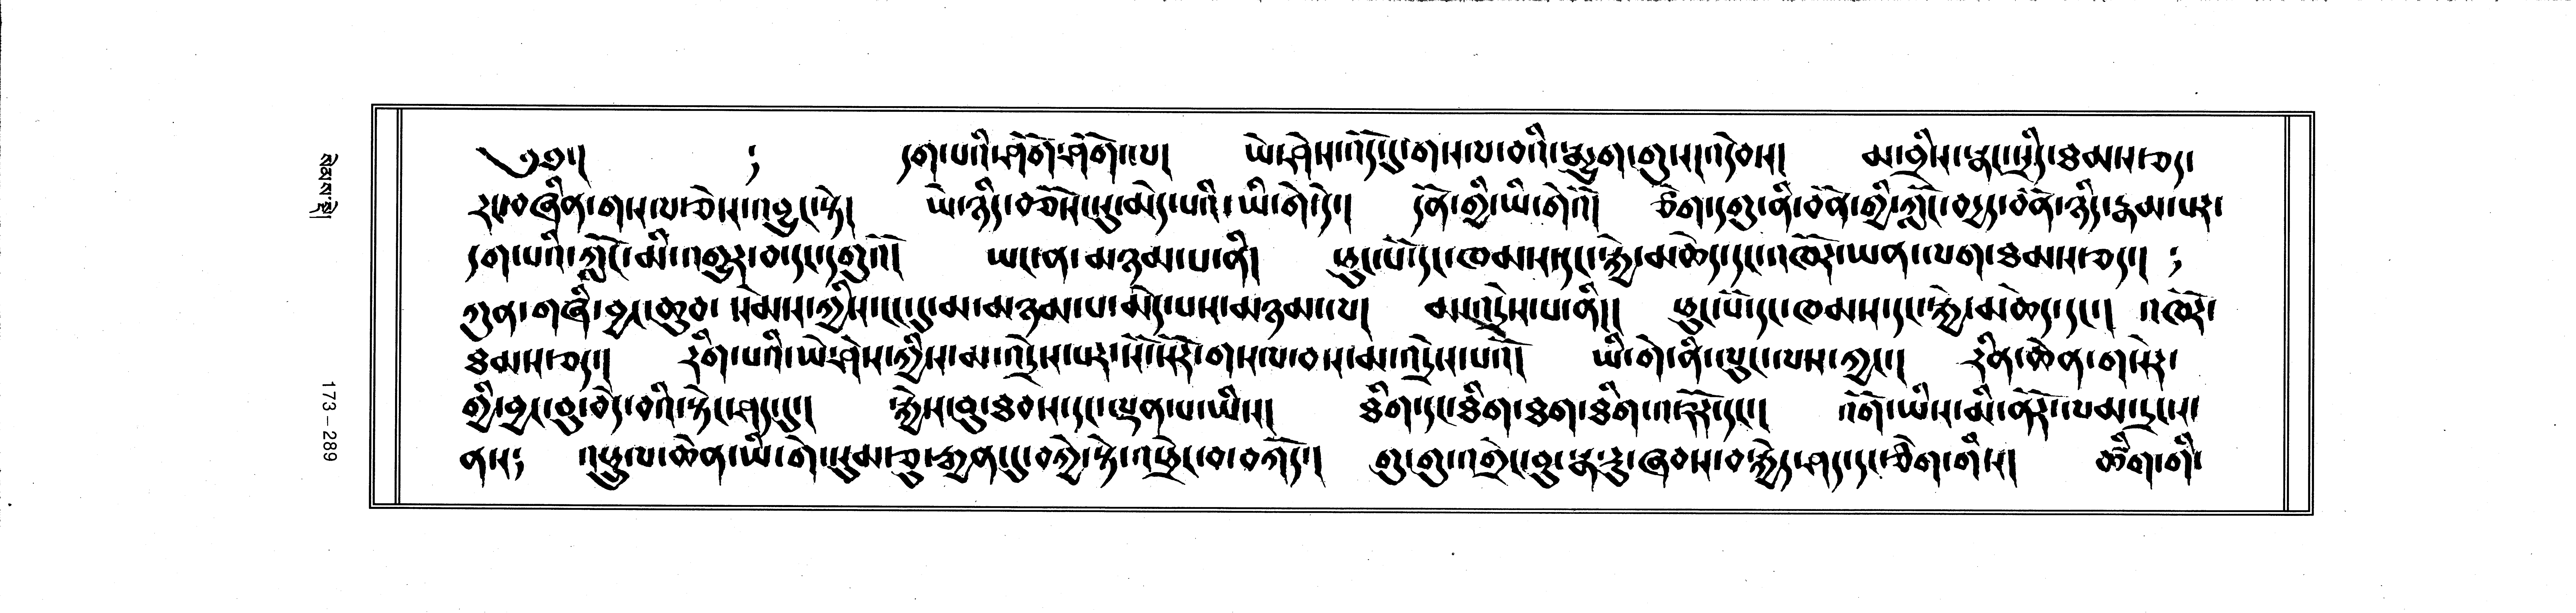དག་པའི་ཤོག་ཤོག་ལ། ཡེ་ཤེས་འོད་དུ་གསལ་བའི་སྨྱུ་གུས་འདེབས། མ་བྲིས་སྣང་སྲིད་ཐམས་ཅད་
རང་བཞིན་གསལ་ཅེས་འབྱུང་སྟེ། ཡེ་ཉིད་བཅོས་སུ་མེད་པའི་ཡི་གེ་དེ། དོན་གྱི་ཡི་གེའོ། །ཙེག་དགུ་ནི་བོན་གྱི་ཀློང་བརྒྱད་བོན་ཉིད་རྣམ་པར་
དག་པའི་ཀློང་མི་འགྱུར་བ་དང་དགུའོ། །ཡང་ན་མཉམ་པ་ནི། ཕུང་པོ་དང་ཁམས་དང་སྐྱེ་མཆེད་འཁོར་ཡན་ལག་ཐམས་ཅད། 
ཀུན་གཞི་བྱང་ཆུབ་སེམས་ཀྱི་ངང་དུ་མ་མཉམ་པ་མེད་པས་མཉམ་ལ། མ་འདྲེས་པ་ནི། ཕུང་པོ་དང་ཁམས་དང་སྐྱེ་མཆེད་དང་། འཁོར་
ཐམས་ཅད། རིག་པའི་ཡེ་ཤེས་ཀྱི་མ་འདྲེས་པར་སོ་སོར་གསལ་བས་མ་འདྲེས་པའོ། །ཡི་གེ་ནི་ལུང་ལས་ཀྱང་། རིན་ཆེན་གསེར་
གྱི་བྱང་བུ་བདེ་བའི་སྟེང་ཤེད་དུ། སྐྱེས་བུ་ཐབས་དང་ལྡན་པ་ཡིས། ཐིག་དང་ཐིག་ཐག་ཐིག་འཇོར་དང་། འགོ་ཡིས་མ་ནོར་ལམ་དྲངས་
ནས། འཕྲུལ་ཆེན་ཡི་གེ་སུམ་ཅུ་རྒྱན་དུ་བཀྱེ་སྟེ་ཕྲེང་བ་བཀོད། གུ་གུ་འགྲེང་བུ་སྣ་རུ་ཞབས་བསྐྱེད་ཤད་དང་ཙེག་གིས། ཚིག་གི་